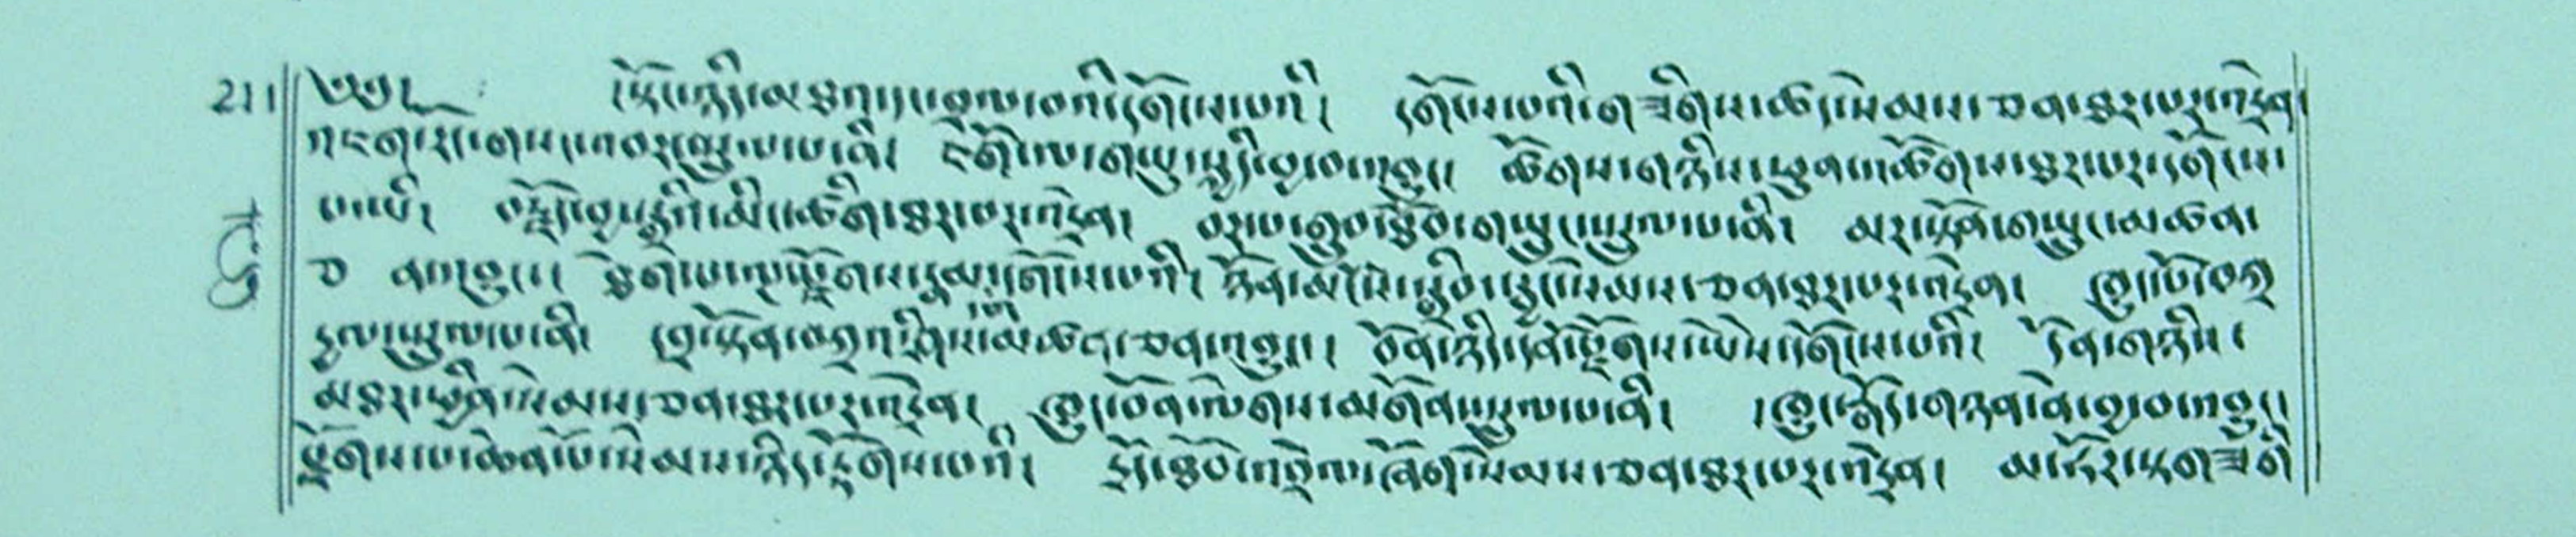༄༅། །སྟོང་ཉིད་མཐའ་དང་བྲལ་བའི་དགོངས་པའི། དགོངས་པའི་གཟིགས་ཚད་སེམས་ཅན་ཐར་བར་འདྲེན། 
འཇག་རོང་གསལ་འབར་སྤྲུལ་པ་ནི། ཇོག་ལ་གཡུ་སྐྱིད་བྱ་བ་འབྱུང་། ཚོགས་གཉིས་ཕུན་ཚོགས་ཐར་བར་དགོངས་
པ་ཡིས། བརྗོད་བྱ་སྒྲ་ཡི་མང་ཚིག་ཐར་བར་འདྲེན། བར་བ་གྲུབ་ཐོབ་གཡུང་དྲུང་སྤྲུལ་པ་ནི། མར་སྟོན་གཡུང་དྲུང་མཚན་
ཅན་འབྱུང་། ཐེག་པ་ལྔ་རྫོགས་རྣམ་དག་དགོངས་པའི། ཉོན་མོངས་སྒྲིབ་སྦྱང་སེམས་ཅན་ཐར་བར་འདྲེན། ཁྱུང་བོ་བཀྲ་
རྒྱལ་སྤྲུལ་པ་ནི། དབྲ་སྟོན་བཀྲ་ཤིས་མཚན་ཅན་འབྱུང་། བོན་ཉིད་དོན་རྫོགས་ཡེ་ཤེས་དགོངས་པ་ཡིས། དོན་གཉིས་
མཐར་ཕྱིན་སེམས་ཅན་ཐར་བར་འདྲེན། ཁྱུང་བོན་ལེགས་མགོན་སྤྲུལ་པ་ནི། ཁྱུང་རྒོད་གཉན་ནེ་བྱ་བ་འབྱུང་། 
རྫོགས་པ་ཆེན་པོའི་སེམས་ཉིད་རྟོགས་པའི། དྲོད་ཐོབ་འབྲེལ་ཞོག་སེམས་ཅན་ཐར་བར་འདྲེན། མ་ཧོར་སྟག་གཟིག་